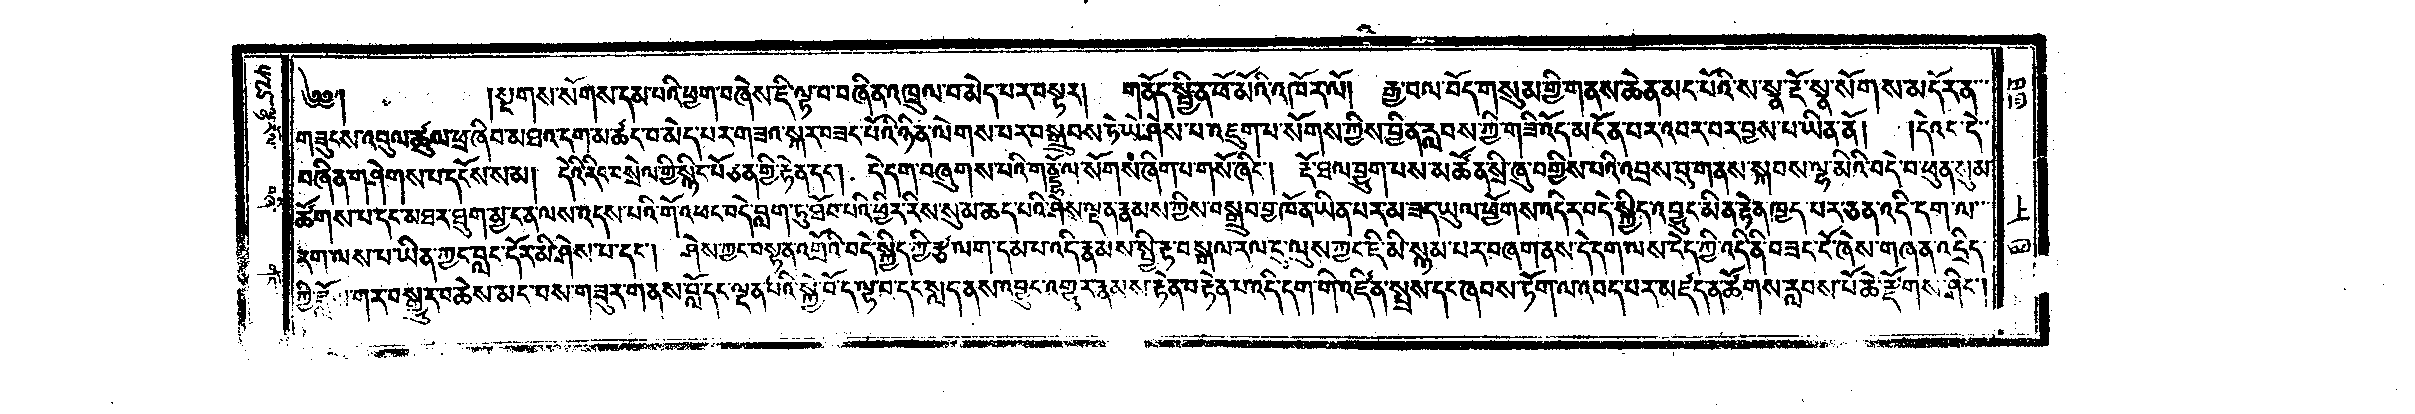༄༅། །སྔགས་སོགས་དམ་པའི་ཕྱག་བཞེས་ཇི་ལྟ་བ་བཞིན་འཁྲུལ་བ་མེད་པར་བསྟར། གནོད་སྦྱིན་ཕོ་མོའི་འཁོར་ལོ། རྒྱ་བལ་བོད་གསུམ་གྱི་གནས་ཆེན་མང་པོའི་ས་སྣ་རྡོ་སྣ་སོགས་མདོར་ན་
གཟུངས་འབུལ་ཚུལ་ཕྲ་ཞིབ་མཐའ་དག་མ་ཚང་བ་མེད་པར་གཟའ་སྐར་བཟང་པོའི་ཉིན་ལེགས་པར་བསྒྲུབས་ཏེ་ཡེ་ཤེས་པ་འཇུག་པ་སོགས་ཀྱིས་བྱིན་རླབས་ཀྱི་གཟི་འོད་མངོན་པར་འབར་བར་བྱས་པ་ཡིན་ནོ། །དེའང་དེ་
བཞིན་གཤེགས་པ་དངོས་སམ། དེའི་རིང་བསྲེལ་གྱི་སྙིང་པོ་ཅན་གྱི་རྟེན་དང་། དེ་དག་བཞུགས་པའི་གནྡྷོ་ལ་སོགས་ཞིག་པ་གསོ་ཞིང་། རྡོ་ཐལ་བྱུག་པས་མཚོན་སྲི་ཞུ་བགྱིས་པའི་འབྲས་བུ་གནས་སྐབས་ལྷ་མིའི་བདེ་བ་ཕུན་སུམ་
ཚོགས་པ་དང་མཐར་ཐུག་མྱ་ངན་ལས་འདས་པའི་གོ་འཕང་བདེ་བླག་ཏུ་ཐོབ་པའི་ཕྱིར་རིས་སུམ་ཆད་པའི་ཤེས་ལྡན་རྣམས་ཀྱིས་བསྒྲུབ་བྱ་ཁོ་ན་ཡིན་པར་མ་ཟད་ཡུལ་ཕྱོགས་འདིར་བདེ་སྐྱིད་འབྱུང་མིན་རྟེན་ཁྱད་པར་ཅན་འདི་དག་ལ་
རག་ལས་པ་ཡིན་ཀྱང་བླང་དོར་མི་ཤེས་པ་དང་། ཤེས་ཀྱང་བསྟན་འགྲོའི་བདེ་སྐྱིད་ཀྱི་རྩ་ལག་དམ་པ་འདི་རྣམས་སྤྱི་རྟ་བསྒལ་རལ་དུ་ལུས་ཀྱང་ཇི་མི་སྙམ་པར་བཞག་ནས་དེ་དག་ལས་ངེད་ཀྱི་འདི་ནི་བཟང་ངོ་ཞེས་གཞན་འདྲིད་
ཀྱི་ཟློས་གར་བསྒྱུར་བ་ཆེས་མང་བས་གཟུར་གནས་བློ་དང་ལྡན་པའི་སྐྱེ་བོ་ད་ལྟ་བ་དང་སླད་ནས་འབྱུང་འགྱུར་རྣམས་རྟེན་བརྟེན་པ་འདི་དག་གི་འཛིན་སྤྲས་དང་ཞབས་ཏོག་ལ་འབད་པར་མཛད་ན་ཚོགས་རླབས་པོ་ཆེ་རྫོགས་ཤིང་།